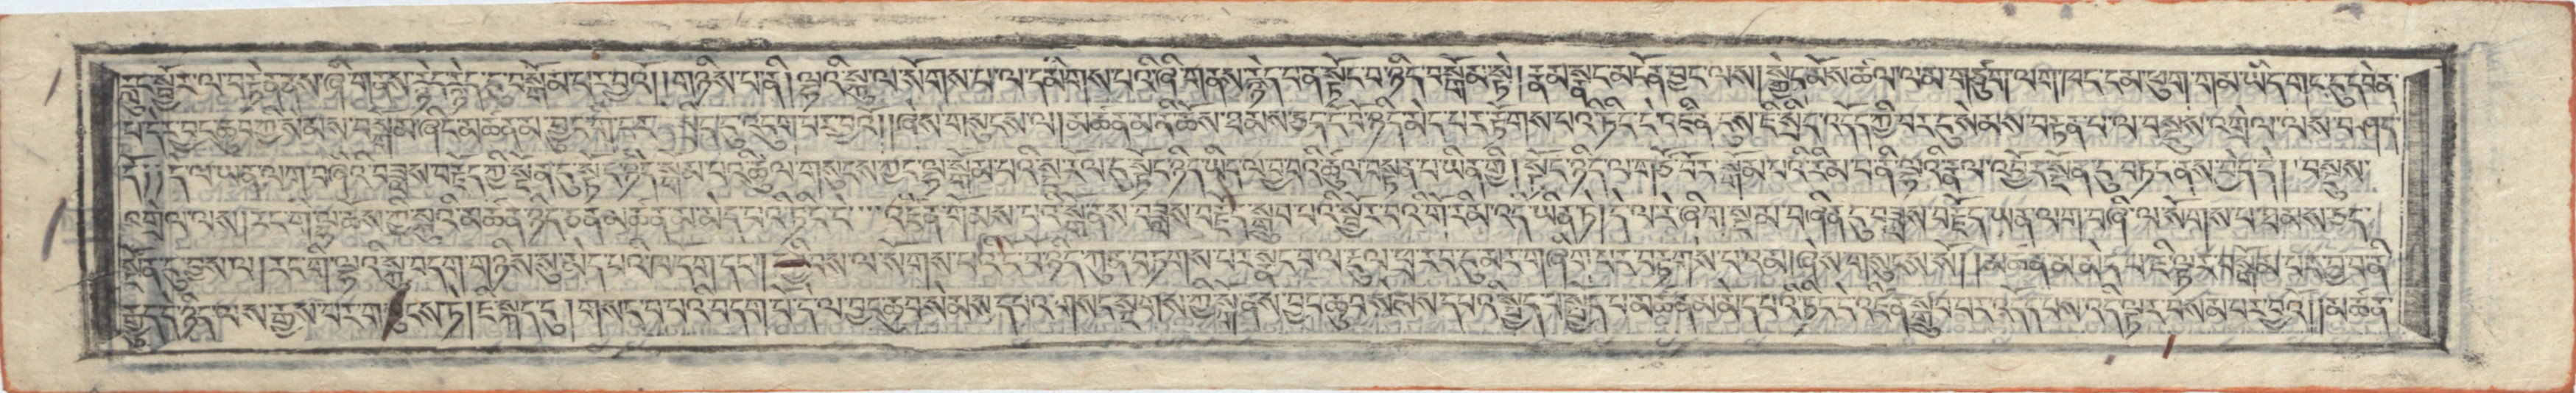རླུང་སྦྱོར་ལ་བརྟེན་ནས་ཞི་གནས་རྙེད་རྙེད་དུ་བསྒོམ་པར་བྱའོ། །གཉིས་པ་ནི། ལྷའི་སྐུ་ལ་སོགས་པ་ལ་དམིགས་པའི་ཞི་གནས་རྙེད་པ་ན་སྟོང་བ་ཉིད་བསྒོམ་སྟེ། རྣམ་སྣང་མངོན་བྱང་ལས། སྐྱེད་མོས་ཚལ་ལམ་གཙུག་ལག་ཁང་ངམ་ཕུག་གམ་ཡིད་གང་དུ་དབེན་
པ་དེར་བྱང་ཆུབ་ཀྱི་སེམས་བསྒོམ་ཞིང་མཚན་མ་བྱུང་གི་བར་དེ་སྲིད་དུ་འདུག་པར་བྱའོ། །ཞེས་གསུངས་ལ། མཚན་མ་ནི་ཆོས་ཐམས་ཅད་ངོ་བོ་ཉིད་མེད་པར་རྟོགས་པའི་ཏིང་ངེ་འཛིན་དུས་ཇི་སྲིད་འདོད་ཀྱི་བར་དུ་སེམས་བརྟན་པ་ལ་བསྡུས་འགྲེལ་ལས་བཤད་
དོ༑ ༑དེ་ལ་ཡན་ལག་བཞིའི་བཟླས་བརྗོད་ཀྱི་སྔོན་དུ་སྟོང་ཉིད་སྒོམ་པའི་ཚུལ་གསུངས་ཀྱང་ལྷ་སྒོམ་པའི་སྔ་རོལ་དུ་སྟོང་ཉིད་ཡིད་ལ་བྱ་བའི་ཚུལ་བསྟན་པ་ཡིན་གྱི། སྟོང་ཉིད་ལ་གཙོ་བོར་སྒོམ་པའི་རིམ་པ་ནི་ལྷའི་རྣལ་འབྱོར་སྔོན་དུ་བཏང་ནས་བྱེད་དེ། བསྡུས་
འགྲེལ་ལས། རང་གི་ལྷ་ཆོས་ཀྱི་སྐུའི་མཚན་ཉིད་ཅན་མཚན་མ་མེད་པའི་ཏིང་ངེ་འཛིན་གོམས་པའི་སྒོ་ནས་བཟླས་བརྗོད་སྒྲུབ་པའི་སྦྱོར་བའི་གོ་རིམ་འདི་ཡིན་ཏེ། དེ་ལ་རེ་ཞིག་སྔ་མ་བཞིན་དུ་བཟླས་བརྗོད་ཡན་ལག་བཞི་ལ་སོགས་པ་ཐམས་ཅད་
སྔོན་དུ་བྱས་ལ། རང་གི་ལྷའི་སྐུ་བདག་གཉིས་སུ་མེད་པའི་ཁ་དོག་དང་། དབྱིབས་ལ་སོགས་པའི་ངོ་བོ་ཉིད་ཀུན་བཏགས་པར་སྣང་བ་ལ་རྡུལ་ཕྲ་རབ་དུ་མར་གཞིག་པར་བརྟགས་པ་འམ། ཞེས་གསུངས་སོ། །མཚན་མ་མེད་པ་ཇི་ལྟར་བསྒོམ་པར་བྱ་བ་ནི་
རྒྱུད་དེ་ཉིད་ལས་རྒྱས་པར་གསུངས་ཏེ། ཇི་སྐད་དུ། གསང་བ་པའི་བདག་པོ་དེ་ལ་བྱང་ཆུབ་སེམས་དཔའ་གསང་སྔགས་ཀྱི་སྒོ་ནས་བྱང་ཆུབ་སེམས་དཔའི་སྤྱད་པ་སྤྱོད་པ་མཚན་མ་མེད་པའི་ཏིང་ངེ་འཛིན་སྒྲུབ་པར་འདོད་པས་འདི་ལྟར་བསམ་པར་བྱའོ། །མཚན་